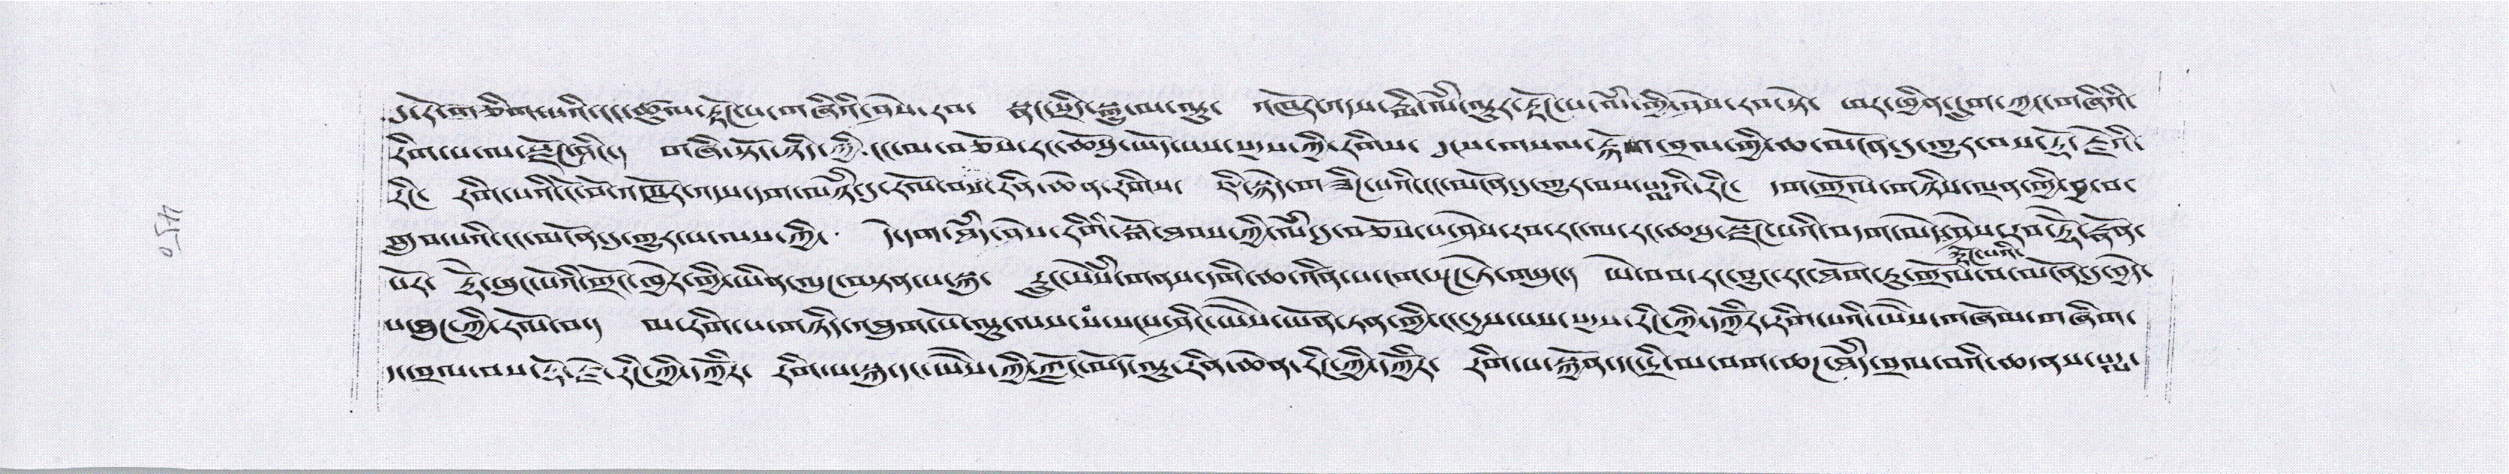ཚུལ་རྟོགས་པ་གཞིའི་ཤེས་རབ། སྣང་སྲིད་སྒྱུ་མ་ལྟ་བུ་འཁོར་འདས་རྨི་ལམ་ལྟ་བུར་རྟོགས་པ་ལམ་གྱི་ཤེས་རབ་སྟེ། ཕར་ཕྱིན་དྲུག་ཀྱང་གཞིའི་
རིག་པ་ལ་རྫོགས་ཤིང་། གཞི་སྟོང་ཉིད་ཀྱི་ངང་མ་བཅོས་རང་ཆོས་སུ་ཡོད་པས་སངས་རྒྱས་ཀྱི་རིགས། དྭངས་གསལ་རྙོག་བྲལ་གྱི་ཆ་མངོན་དུ་གྱུར་པས་རྡོ་རྗེའི་
རིགས། རིག་པའི་ངོ་བོ་འཁོར་འདས་དག་མཉམ་དུ་རོལ་པས་རིན་ཆེན་རིགས། ཇི་སྙེད་གཟིགས་པའི་ངང་མངོན་དུ་གྱུར་པས་པདྨའི་རིགས། དག་གྲོལ་གཉིས་ལྡན་གྱི་བྱ་བ་
གྲུབ་པའི་ངང་མངོན་དུ་གྱུར་པ་ལས་ཀྱི། དེ་དག་ཐམས་ཅད་ཤེས་རིག་གི་སྒོ་ཐབས་ཀྱི་ལམ་དུ་བཅོས་པ་ཤེས་རབ་རང་ལ་རང་ཆས་སུ་རྫོགས་པའི་བདག་མེད་རྟོགས་པའི་ཤེས་རབ་རྡོ་རྗེ་རྣོན་
པོར་རྡོ་རྗེ་ཕུང་པོའི་གྲོང་ཁྱེར་གྱི་ཡིན་ལུགས་བསྟན་པ་སྐུ། རླུང་སེམས་གནས་དག་གི་ཆ་འཛིན་པ་ངག་སྔགས་ཏེ་གསུང་། ཡེ་བབ་རང་བྱུང་རང་ཐོག་ཏུ་གྲོལ་བ་མངོན་དུ་བྱེད་
པ་ཐུགས་ཀྱི་རོལ་པ། མ་རིག་པ་གཉིད་མཐུག་པོ་ལྟ་བུ་ལས་སངས་ཤིང་ཡེ་ཤེས་ཡོན་ཏན་གྱི་ངང་རྒྱས་པས་སངས་རྒྱས་རིགས་ཀྱི་དཀྱིལ་འཁོར་རིག་པའི་ཡེ་ཤེས་གཞོམ་གཞིག་
དང་བྲལ་བས་རྡོ་རྗེ་རིག་གི་དཀྱིལ་འཁོར། རིག་པ་སྐུ་དང་ཡེ་ཤེས་ཀྱི་ཀློང་མཛོད་ལྟ་བུ་རིན་ཆེན་རིགས་ཀྱི་དཀྱིལ་འཁོར། རིག་པ་སྐྱོན་དང་དྲི་མ་བག་ཆགས་ཐམས་ཅད་དང་བྲལ་བའི་ཆ་ནས་པད་མ་